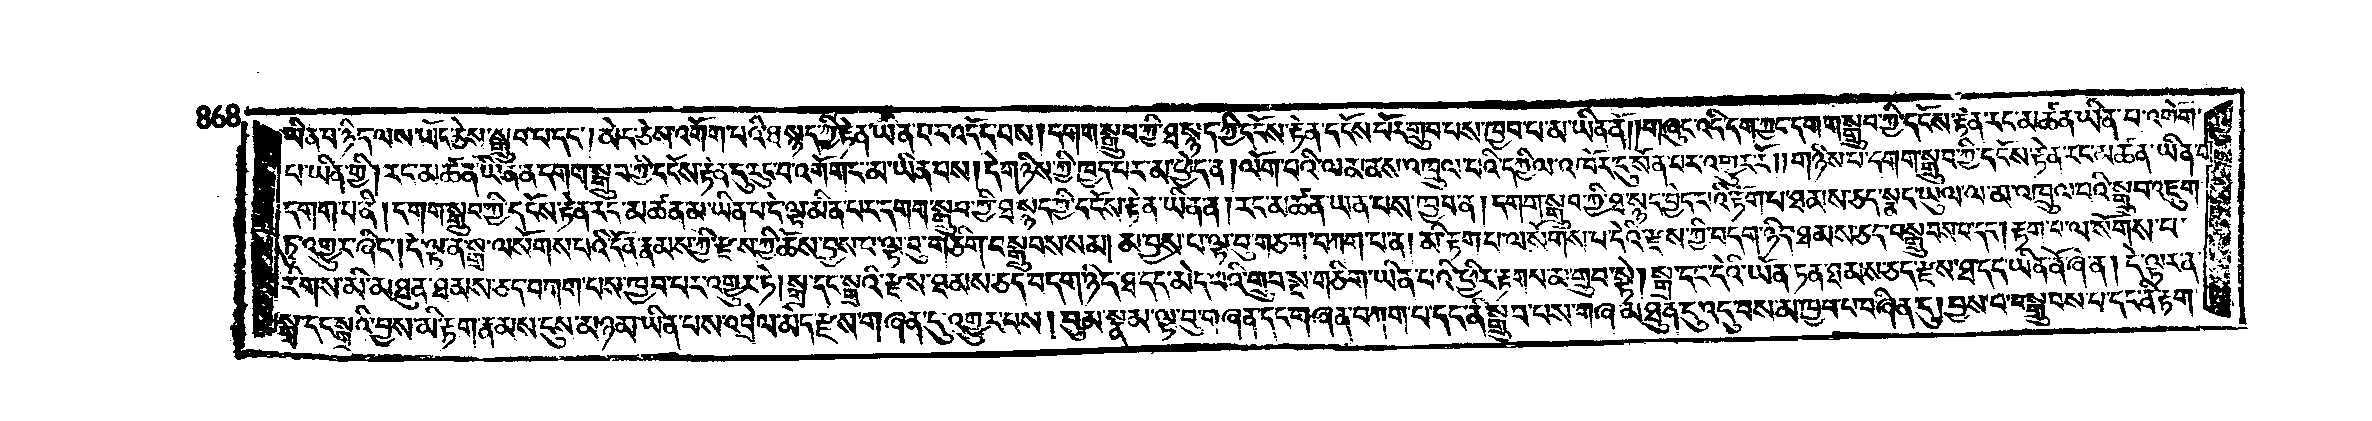ཡིན་པ་ཉིད་ལས་ཡོད་ཅེས་སྒྲུབ་པ་དང་། མེད་ཅེས་འགོག་པའི་ཐ་སྙད་ཀྱི་རྟེན་ཡིན་པར་འདོད་པས། དགག་སྒྲུབ་ཀྱི་ཐ་སྙད་ཀྱི་དངོས་རྟེན་དངོས་པོར་གྲུབ་པས་ཁྱབ་པ་མ་ཡིན་ནོ། །གཞུང་འདི་དག་ཀྱང་དགག་སྒྲུབ་ཀྱི་དངོས་རྟེན་རང་མཚན་ཡིན་པ་འགོག་
པ་ཡིན་གྱི། རང་མཚན་ཡིན་ན་དགག་སྒྲུབ་ཀྱི་དངོས་རྟེན་དུ་རུང་བ་འགོ་གང་མ་ཡིན་པས། དེ་གཉིས་ཀྱི་ཁྱད་པར་མ་ཕྱེད་ན། ལོག་པའི་ལམ་ནས་འཁྲུལ་བའི་དཀྱིལ་འཁོར་དུ་སོན་པར་འགྱུར་རོ། །གཉིས་པ་དགག་སྒྲུབ་ཀྱི་དངོས་རྟེན་རང་མཚན་ཡིན་པ་
དགག་པ་ནི། དགག་སྒྲུབ་ཀྱི་དངོས་རྟེན་རང་མཚན་མ་ཡིན་པ་དེ་ལྟ་མིན་པར་དགག་སྒྲུབ་ཀྱི་ཐ་སྙད་ཀྱི་དངོས་རྟེན་ཡིན་ན། རང་མཚན་ཡིན་པས་ཁྱབ་ན། དགག་སྒྲུབ་ཀྱི་ཐ་སྙད་བྱེད་པའི་རྟོག་པ་ཐམས་ཅད་སྣང་ཡུལ་ལ་མ་འཁྲུལ་བའི་སྒྲུབ་འཇུག་
ཏུ་འགྱུར་ཞིང་། དེ་ལྟ་ན་སྒྲ་ལ་སོགས་པའི་དོན་རྣམས་ཀྱི་རྫས་ཀྱི་ཆོས་བྱས་པ་ལྟ་བུ་གཅིག་བསྒྲུབས་སམ། མ་བྱས་པ་ལྟ་བུ་གཅིག་བཀག་པ་ན། མི་རྟག་པ་ལ་སོགས་པ་དེའི་རྫས་ཀྱི་བདག་ཉིད་ཐམས་ཅད་བསྒྲུབས་པ་དང་། རྟག་པ་ལ་སོགས་པ་
རིགས་མི་མཐུན་ཐམས་ཅད་བཀག་པས་ཁྱབ་པར་འགྱུར་ཏེ། སྒྲ་དང་སྒྲའི་རྫས་ཐམས་ཅད་བདག་ཉིད་ཐ་དད་མེད་པའི་གྲུབ་སྔ་གཅིག་ཡིན་པའི་ཕྱིར་རྟགས་མ་གྲུབ་སྟེ། སྒྲ་དང་དེའི་ཡོན་ཏན་ཐམས་ཅད་རྫས་ཐ་དད་ཡིན་ནོ་ཞེ་ན། དེ་ལྟར་ན་
སྒྲ་དང་སྒྲའི་བྱས་མི་རྟག་རྣམས་དུས་མཉམ་ཡིན་པས་འབྲེལ་མེད་རྫས་གཞན་དུ་འགྱུར་བས། བུམ་སྣམ་ལྟ་བུ་གཞན་དང་གཞན་བཀག་པ་དང་ནི་སྒྲུབ་པས་གཞི་མཐུན་དུ་འདུ་བས་མ་ཁྱབ་པ་བཞིན་དུ། བྱས་པ་བསྒྲུབས་པ་དང་ནི་རྟག་